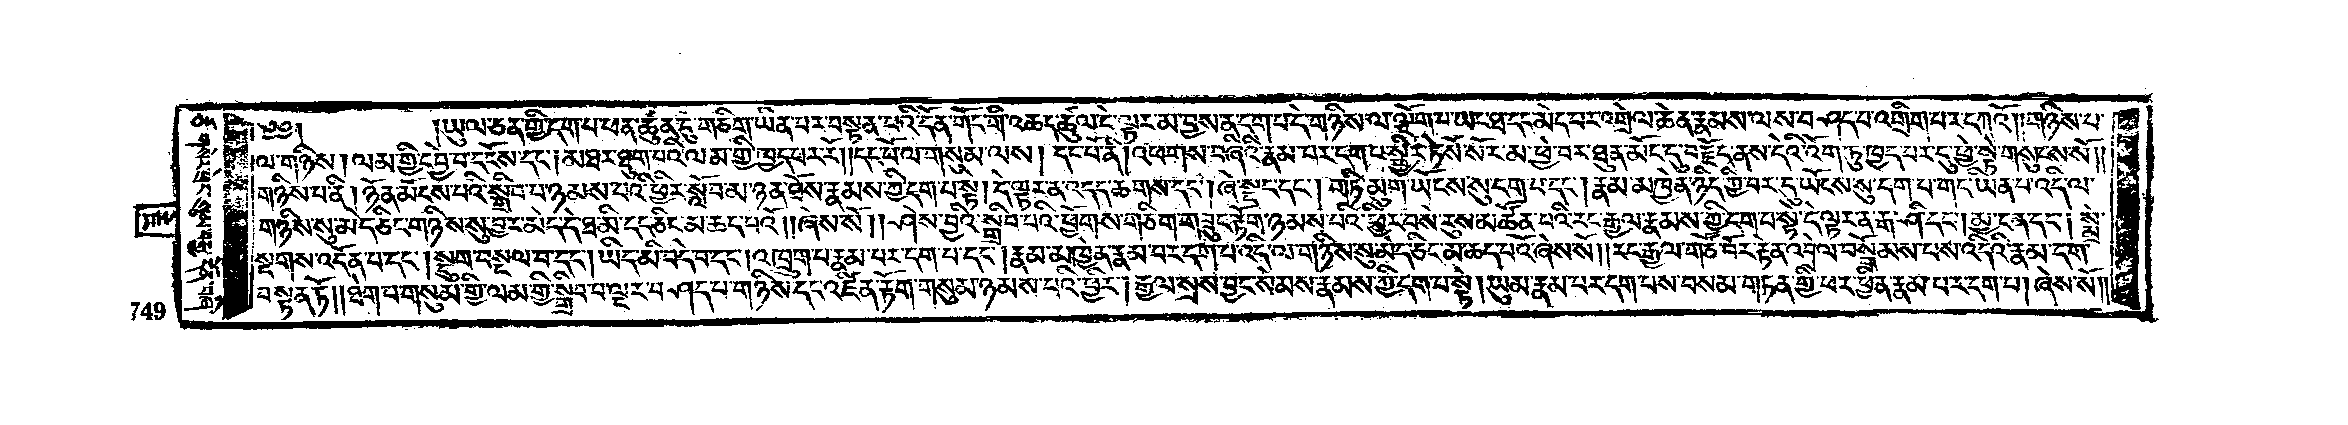༄༅། །ཡུལ་ཅན་གྱི་དག་པ་ཕན་ཚུན་དུ་གཅིག་ཡིན་པར་བསྟན་པའི་དོན་གོང་གི་འཆད་ཚུལ་དེ་ལྟར་མ་བྱས་ན་དག་པ་དེ་གཉིས་ལ་ལྡོག་པ་ཡང་ཐ་དད་མེད་པར་འགྲེལ་ཆེན་རྣམས་ལས་བཤད་པ་འགྲིག་པར་དཀའོ། །གཉིས་པ་
ལ་གཉིས། ལམ་གྱི་དབྱེ་བ་དངོས་དང་། མཐར་ཐུག་པའི་ལམ་གྱི་ཁྱད་པར་རོ། །དང་པོ་ལ་གསུམ་ལས། དང་པོ་ནི། འཕགས་བཞིའི་རྣམ་པར་དག་པ་སྤྱིར་ཏེ་སོ་སོར་མ་ཕྱེ་བར་ཐུན་མོང་དུ་བརྗོད་ནས་དེའི་འོག་ཏུ་ཁྱད་པར་དུ་ཕྱེ་སྟེ་གསུངས་སོ། །
གཉིས་པ་ནི། ཉོན་མོངས་པའི་སྒྲུབ་པ་ཉམས་པའི་ཕྱིར་སློབ་མ་ཉན་ཐོས་རྣམས་ཀྱི་དག་པ་སྟེ། དེ་ལྟར་ན་འདོད་ཆགས་དང་། ཞེ་སྡང་དང་། གཏི་མུག་ཡོངས་སུ་དག་པ་དང་། རྣམ་མཁྱེན་ཉིད་ཀྱི་བར་དུ་ཡོངས་སུ་དག་པ་གང་ཡིན་པ་འདི་ལ་
གཉིས་སུ་མེད་ཅིང་གཉིས་སུ་བྱར་མེད་དེ་ཐ་མི་དད་ཅིང་མ་ཆད་པའོ། །ཞེས་སོ། །ཤེས་བྱའི་སྒྲིབ་པའི་ཕྱོགས་གཅིག་གཟུང་རྟོག་ཉམས་པའི་ཕྱིར་བསེ་རུས་མཚོན་པའི་རང་རྒྱལ་རྣམས་ཀྱི་དག་པ་སྟེ་དེ་ལྟར་ན་རྒ་ཤི་དང་། མྱ་ངན་དང་། སྨྲེ་
སྔགས་འདོན་པ་དང་། སྡུག་བསྔལ་བ་དང་། ཡིད་མི་བདེ་བ་དང་། འཁྲུག་པ་རྣམ་པར་དག་པ་དང་། རྣམ་མཁྱེན་རྣམ་པར་དག་པ་འདི་ལ་གཉིས་སུ་མེད་ཅིང་མ་ཆད་པའོ་ཞེས་སོ། །རང་རྒྱལ་གཙོ་བོར་རྟེན་འབྲེལ་བསྒོམས་པས་འདིའི་རྣམ་དག་
བསྟན་ཏོ། །ཐེག་པ་གསུམ་གྱི་ལམ་གྱི་སྒྲིབ་པ་ལྔར་བཤད་པ་གཉིས་དང་འཛིན་རྟོག་གསུམ་ཉམས་པའི་ཕྱིར། རྒྱལ་སྲས་བྱང་སེམས་རྣམས་ཀྱི་དག་པ་སྟེ། ཡུམ་རྣམ་པར་དག་པས་བསམ་གཏན་གྱི་ཕར་ཕྱིན་རྣམ་པར་དག་པ། ཞེས་སོ། །